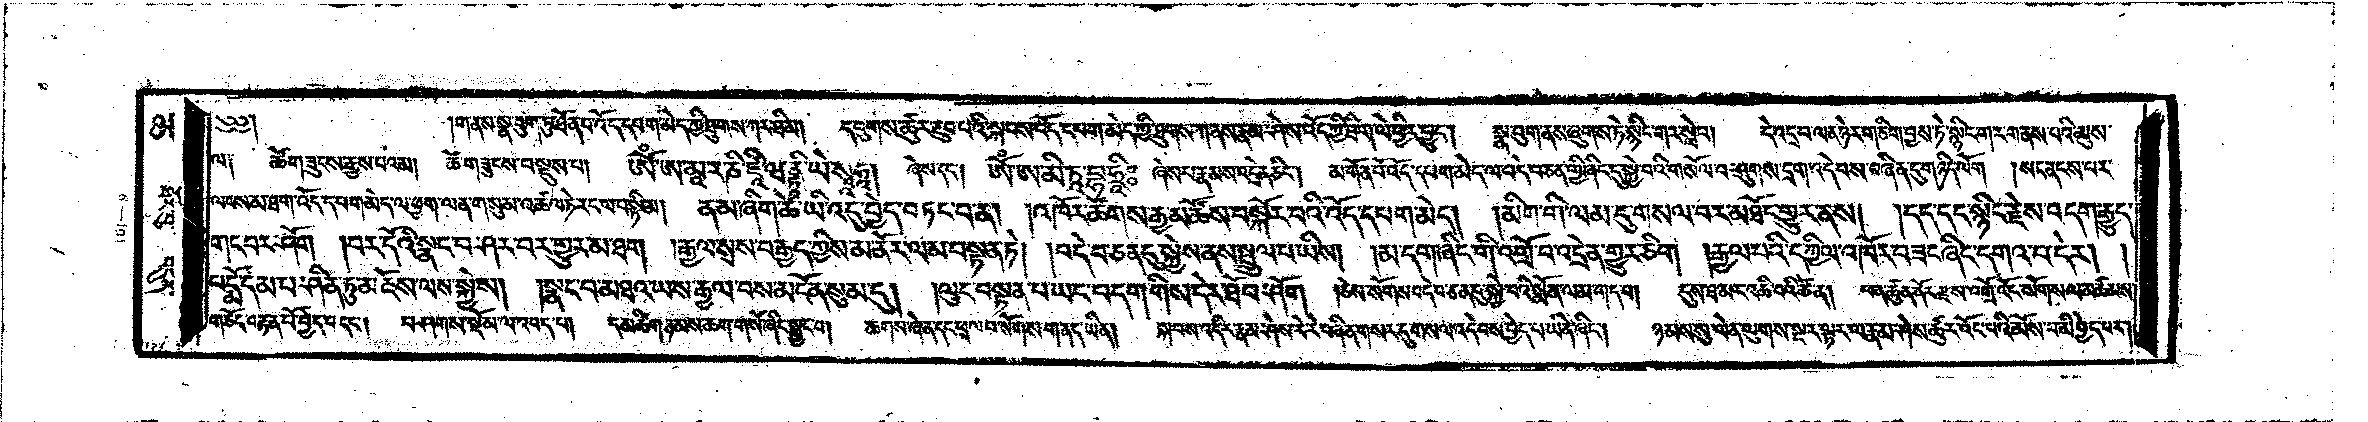༄༅། །གནས་སྣ་བུག་ཏུ་ཐོན་པ་འོད་དཔག་མེད་ཀྱི་ཐུགས་ཀར་ཐིམ། དབུགས་ཚུར་རྡུབ་པའི་སྐབས་འོད་དཔག་མེད་ཀྱི་ཐུགས་ཀ་ནས་རྣམ་ཤེས་འོད་ཀྱི་ཐིག་ལེ་ཕྱིར་བྱུང་། སྣ་བུག་ནས་ཞུགས་ཏེ་སྙིང་གར་སླེབ། དེ་འདྲ་བ་ལན་ཉེར་གཅིག་བྱས་ཏེ་སྙིང་གར་གནས་པའི་མུས་
ལ༑ ཚེ་གཟུངས་རྒྱས་པའམ། ཚེ་གཟུངས་བསྡུས་པ། ཨོཾ་ཨ་མཱ་རཎི་ཛཱི་ཝནྟཱི་ཡེ་སྭཱཧཱ། ཞེས་དང་།  ཨོཾ་ཨ་མི་ཏཱ་བྷ་ཧྲཱིཿ ཞེས་པ་རྣམས་འདྲེན་ཅིང་། མགོན་པོ་འོད་དཔག་མེད་ལ་བདེ་བ་ཅན་གྱི་ཞིང་དུ་སྐྱེ་བའི་གསོལ་བ་ཤུགས་དྲག་འདེབས་བཞིན་དུ་གཉིད་ལོག །སང་ནངས་བར་
ལབས་མ་ཐག་འོད་དཔག་མེད་ལ་ཕྱག་ལན་གསུམ་འཚལ་ཏེ་རང་ལ་བསྟིམ། ནམ་ཞིག་ཚེ་ཡི་འདུ་བྱེད་བཏང་བ་ན། །འཁོར་ཚོགས་རྒྱ་མཚོས་བསྐོར་བའི་འོད་དཔག་མེད། །མིག་གི་ལམ་དུ་གསལ་བར་མཐོང་གྱུར་ནས། །དད་དང་སྙིང་རྗེས་བདག་རྒྱུད་
གང་བར་ཤོག །བར་དོའི་སྣང་བ་ཤར་བར་གྱུར་མ་ཐག །རྒྱལ་སྲས་བརྒྱད་ཀྱིས་མ་ནོར་ལམ་བསྟན་ཏེ། །བདེ་བ་ཅན་དུ་སྐྱེས་ནས་སྤྲུལ་པ་ཡིས། །མ་དག་ཞིང་གི་འགྲོ་བ་འདྲེན་གྱུར་ཅིག །རྒྱལ་པའི་དཀྱིལ་འཁོར་བཟང་ཞིང་དགའ་བ་དེར། །
པདམོ་དམ་པ་ཤིན་ཏུ་མ་རྡོས་ལས་སྐྱེས། །སྣང་བ་མཐའ་ཡས་རྒྱལ་བས་མངོན་སུམ་དུ། །ལུང་བསྟན་པ་ཡང་བདག་གིས་དེར་ཐོབ་ཤོག །ཅེས་སོགས་བདེ་བ་ཅན་དུ་སྐྱེ་བའི་སྨོན་ལམ་གདག་དུས་ཐ་མང་འཆི་བའི་ཚེ་ན། ཕན་ཚུན་ནོར་རྫས་འགྲོ་འོང་སོགས་ལ་མཚམས་
གཅོད་བརྟན་པོ་བྱེད་པ་དང་། བཤགས་སྡོམ་ལ་འབད་པ། དམ་ཚིག་ཉམས་ཆག་གསོ་ཞིང་སྦྱང་བ། ཆགས་ཞེན་དང་ཕྲལ་བ་སོགས་གནད་ཡིན། སྐབས་འདིར་རྣམ་ཤེས་རེ་རེ་བཞིན་གསར་དུ་གསལ་འདེབས་བྱེད་པ་ཡིན་ཞིང་། ཉམས་སུ་ལེན་ལུགས་སྔར་ལྟར་ལ་རྣམ་ཤེས་ཚུར་འོང་བའི་མོས་རིམ་བྱེད་པར་